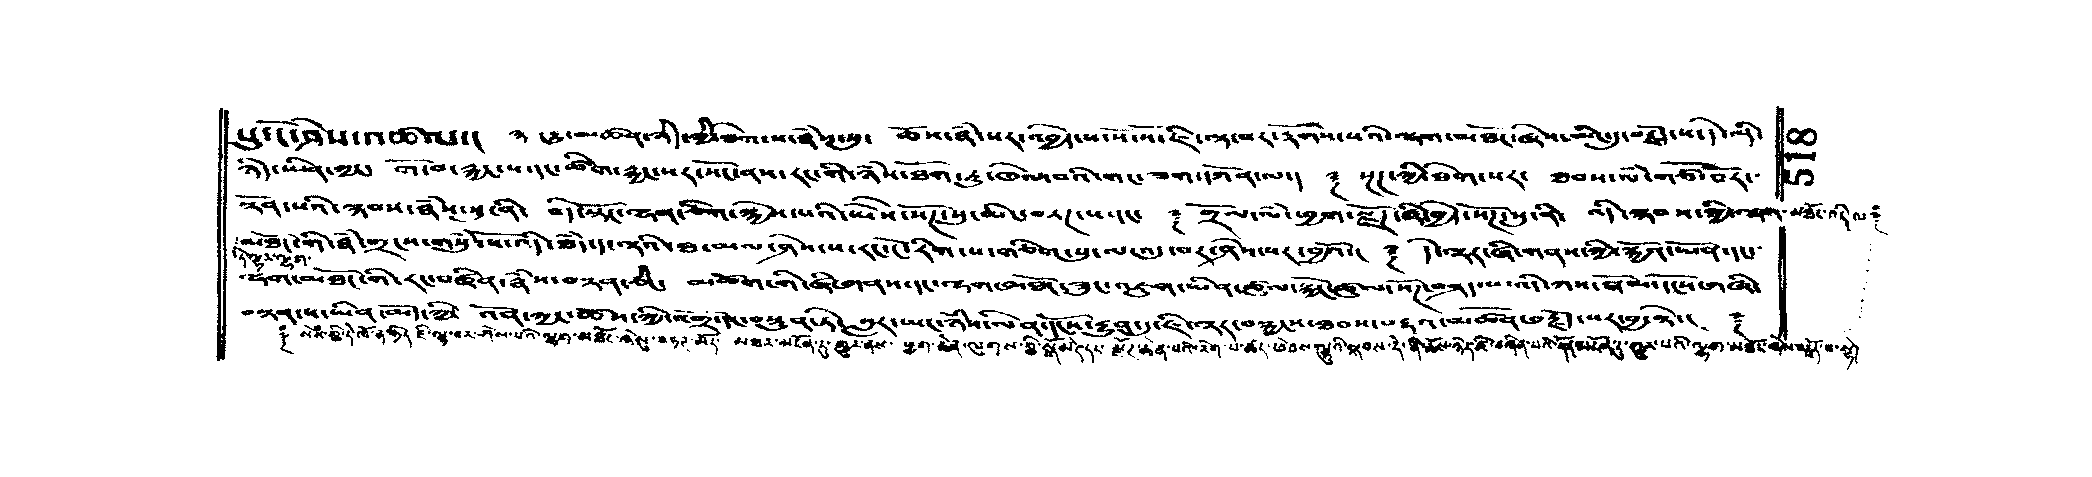པུ་ངོ་ཤེས་འཚལ། ༈ རྒྱུ་མཚན་ཉིད་ཀྱི་ཐེག་པ་རྣམས་སུ། ཆོས་རྣམ་པར་འབྱེད་པ་སོ་སོ་ཇི་ལྟ་བར་རྟོགས་པའི་ལྷག་མཐོང་ཞེས་མིང་དུ་བརྗོད་པ་དེ་འདི་
ཉིད་ཡིན་ཀྱང་། གོ་བ་རྐྱང་པ་དང་ཚིག་རྐྱང་པར་སོང་ནས་རང་གི་ཉམས་ཐོག་ཏུ་ཁེལ་བའི་གང་ཟག་དཀོན་ལ། སྔགས་ཀྱི་ཐེག་པར། ཐབས་ལམ་གཙོ་བོར་
སྟོན་པའི་སྐབས་རྣམས་སུ་ནི། བདེ་སྟོང་ལྷན་ཅིག་སྐྱེས་པའི་ཡེ་ཤེས་སོགས་སུ་མིང་བཏགས་པ་དང་། གྲོལ་ལམ་ཕྱག་རྫོགས་ཞི་བྱེད་སོགས་སུ་ནི། འདི་སྐབས་ཀྱི་ལྷག་མཐོང་འདི་ལ། 
སེམས་ཀྱི་དེ་ཁོ་ན་ཉིད་ཇི་ལྟར་བ་ཤེས་པའི་ལྷག་མཐོང་ཞེས་སུ་བཏགས་མོད། མཐར་མངོན་དུ་གྱུར་ནས་ཕྱག་ཆེན་ལུགས་ཀྱི་སྒོམ་མེད། རྫོགས་ཆེན་པའི་རིག་པ་ཚད་ཕེབས་ལྟ་བུའི་སྐབས་རེ་ནི་ཆོས་ཉིད་ཇི་བཞིན་པའི་དོན་མངོན་དུ་གྱུར་བའི་ལྷག་མཐོང་ཞེས་བརྗོད་པ་སྟེ། དེ་ལྟར་ལྷག་མཐོང་གི་རྣམ་གྲངས་གསུམ་པོ་འདི་ཐམས་ཅད་ད་ལྟའི་ཐ་མལ་ཤེས་པ་རང་ངོ་རིག་པ་གཅིག་པུ་ལ་འདུ་བར་ཤེས་པར་བྱའོ། དེ་ལྟར་ཞི་གནས་ཀྱི་སྐྱོན་ཡོན་དང་
ལྷག་མཐོང་གི་རང་བཞིན་རྣམས་བསྟན་ཅིང་། མཆོག་གི་ཞི་གནས་དང་ལྷག་མཐོང་ཟུང་འཇུག་ཡིན་ཚུལ་སྐྱོང་ཚུལ་སོགས་བཤད་པ་འདི་ཀས་སྒོམ་དངོས་གཞི་
བརྟན་པ་ཡིན་མོད་ཀྱི། འོན་ཀྱང་ཆོས་ཀྱི་འགྲོས་དང་བསྟུན་ཏེ།སླར་ཡང་ཉམས་ལེན་དངོས་རྒྱུན་དུ་ཇི་ལྟར་བསྐྱངས་ཐབས་བརྡ་མཚོན་བརྗོད་པར་བྱ་སྟེ། ༈